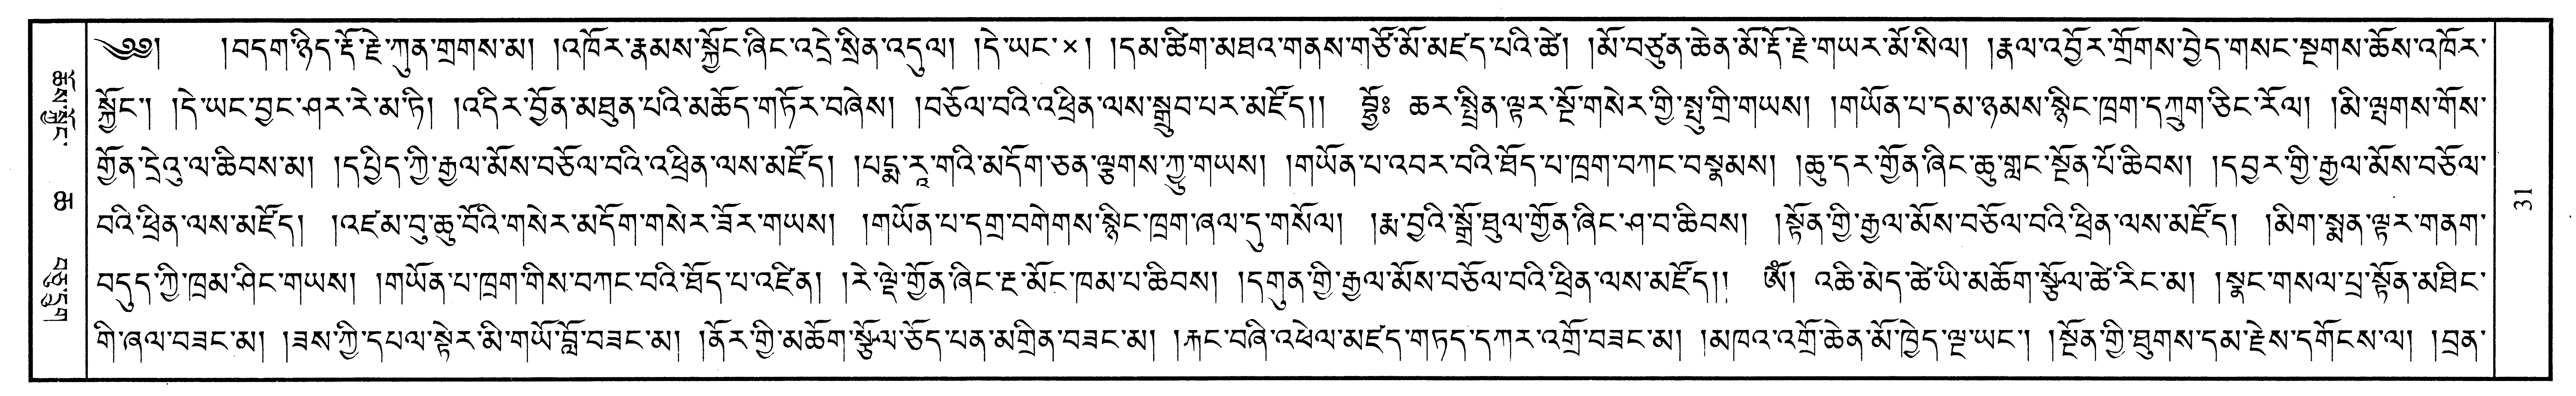༄༅། །བདག་ཉིད་རྡོ་རྗེ་ཀུན་གྲགས་མ། །འཁོར་རྣམས་སྐྱོང་ཞིང་འདྲེ་སྲིན་འདུལ། །དེ་ཡང་྾། །དམ་ཚིག་མཐའ་གནས་གཙོ་མོ་མཛད་པའི་ཚེ། །མོ་བཙུན་ཆེན་མོ་རྡོ་རྗེ་གཡར་མོ་སིལ། །རྣལ་འབྱོར་གྲོགས་བྱེད་གསང་སྔགས་ཆོས་འཁོར་
སྐྱོང་། །དེ་ཡང་བྱང་ཤར་རེ་མ་ཏི། །འདིར་བྱོན་མཐུན་པའི་མཆོད་གཏོར་བཞེས། །བཅོལ་བའི་འཕྲིན་ལས་སྒྲུབ་པར་མཛོད།། བྷྱོཿ ཆར་སྤྲིན་ལྟར་སྔོ་གསེར་གྱི་སྤུ་གྲི་གཡས། །གཡོན་པ་དམ་ཉམས་སྙིང་ཁྲག་དཀྲུག་ཅིང་རོལ། །མི་ལྤགས་གོས་
གྱོན་དྲེའུ་ལ་ཆིབས་མ། །དཔྱིད་ཀྱི་རྒྱལ་མོས་བཅོལ་བའི་འཕྲིན་ལས་མཛོད། །པདམ་རཱ་གའི་མདོག་ཅན་ལྕགས་ཀྱུ་གཡས། །གཡོན་པ་འབར་བའི་ཐོད་པ་ཁྲག་བཀང་བསྣམས། །ཆུ་དར་གྱོན་ཞིང་ཆུ་གླང་སྔོན་པོ་ཆིབས། །དབྱར་གྱི་རྒྱལ་མོས་བཅོལ་
བའི་ཕྲིན་ལས་མཛོད། །འཛམ་བུ་ཆུ་བོའི་གསེར་མདོག་གསེར་ཟོར་གཡས། །གཡོན་པ་དགྲ་བགེགས་སྙིང་ཁྲག་ཞལ་དུ་གསོལ། །རྨ་བྱའི་སྒྲོ་ཐུལ་གྱོན་ཞིང་ཤ་བ་ཆིབས། །སྟོན་གྱི་རྒྱལ་མོས་བཅོལ་བའི་ཕྲིན་ལས་མཛོད། །མིག་སྨན་ལྟར་གནག་
བདུད་ཀྱི་ཁྲམ་ཤིང་གཡས། །གཡོན་པ་ཁྲག་གིས་བཀང་བའི་ཐོད་པ་འཛིན། །རེ་ལྡེ་གྱོན་ཞིང་རྔ་མོང་ཁམ་པ་ཆིབས། །དགུན་གྱི་རྒྱལ་མོས་བཅོལ་བའི་ཕྲིན་ལས་མཛོད།། ཨོཾ། འཆི་མེད་ཚེ་ཡི་མཆོག་སྩོལ་ཚེ་རིང་མ། །སྣང་གསལ་པྲ་སྟོན་མཐིང་
གི་ཞལ་བཟང་མ། །ཟས་ཀྱི་དཔལ་སྟེར་མི་གཡོ་བློ་བཟང་མ། །ནོར་གྱི་མཆོག་སྩོལ་ཅོད་པན་མགྲིན་བཟང་མ། །རྐང་བཞི་འཕེལ་མཛད་གཏད་དཀར་འགྲོ་བཟང་མ། །མཁའ་འགྲོ་ཆེན་མོ་ཁྱེད་ལྔ་ཡང་། །སྔོན་གྱི་ཐུགས་དམ་རྗེས་དགོངས་ལ། །བྲན་